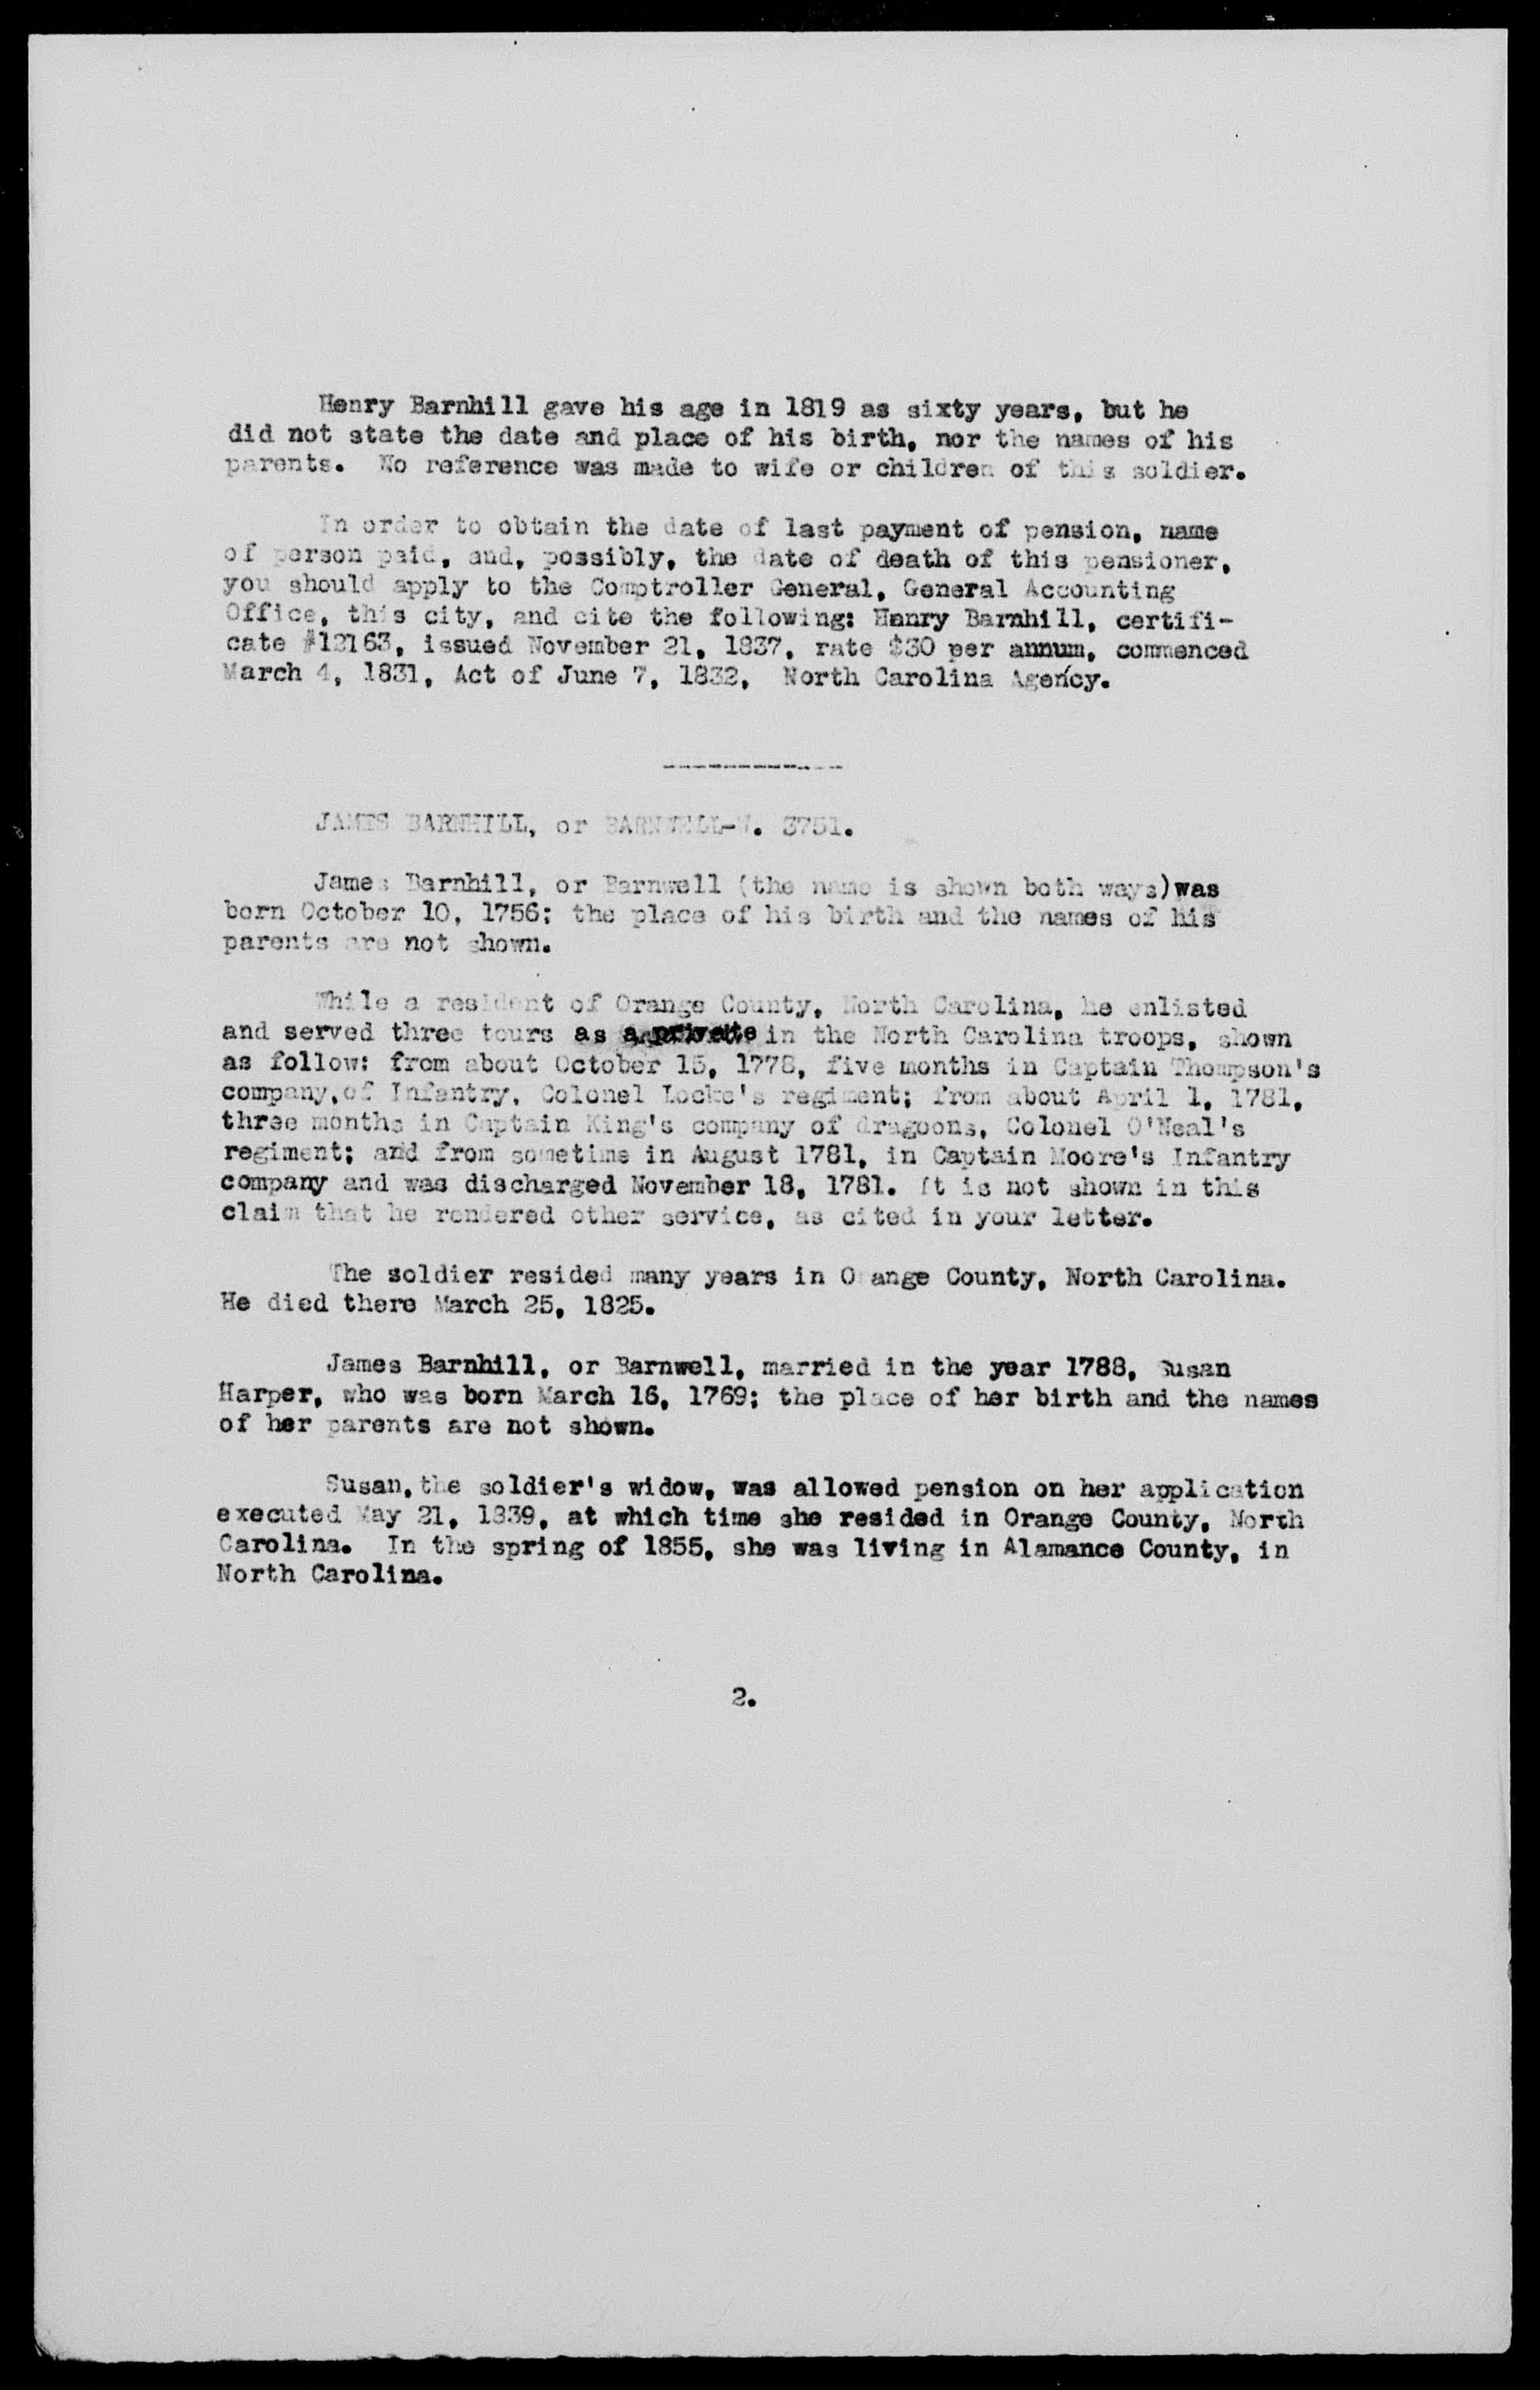Henry Barnhill gave his age in 1819 as sixty years, but he did not state the date and place of his birth, nor the names of his parents. No reference was made to wife or children of this soldier.

In order to obtain the date of last payment of pension, name of person paid, and, possibly, the date of death of this pensioner, you should apply to the Comptroller General, General Accounting Office, this city, and cite the following: Henry Barnhill, certificate #12163, issued November 21, 1837, rate $30 per annum, commenced March 4, 1831, Act of June 7, 1832, North Carolina Agency.

--------------------

JAMES BARNHILL, or BARNWELL-W. 3751.

James Barnhill, or Barnwell (the name is shown both ways) was born October 10, 1756; the place of his birth and the names of his parents are not shown.

While a resident of Orange County, North Carolina, he enlisted and served three tours as a private in the North Carolina troops, shown as follow: from about October 15, 1778, five months in Captain Thompson's company, of Infantry. Colonel Locke's regiment: from about April 1, 1781, three months in Captain King's company of dragoons, Colonel O'Neal's regiment: and from sometime in August 1781, in Captain Moore's Infantry company and was discharged November 18, 1781. It is not shown in this claim that he rendered other service, as cited in your letter.

The soldier resided many years in Orange County, North Carolina He died there March 25, 1825.

James Barnhill, or Barnwell, married in the year 1788, Susan Harper, who was born March 16, 1769: the place of her birth and the names of her parents are not shown.

Susan, the soldier's widow, was allowed pension on her application executed May 21, 1839, at which time she resided in Orange County, North Carolina. In the spring of 1855, she was living in Alamance County, in North Carolina.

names: Barnwell, Henry Barnhill, Henry Barnhill, James Barnhill, Barnwell, Barnwell, James Barnhill, Susan Harper, James Barnhill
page: 10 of 42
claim: survivor's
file: S. 6579, Henry Barnhill, N. C.